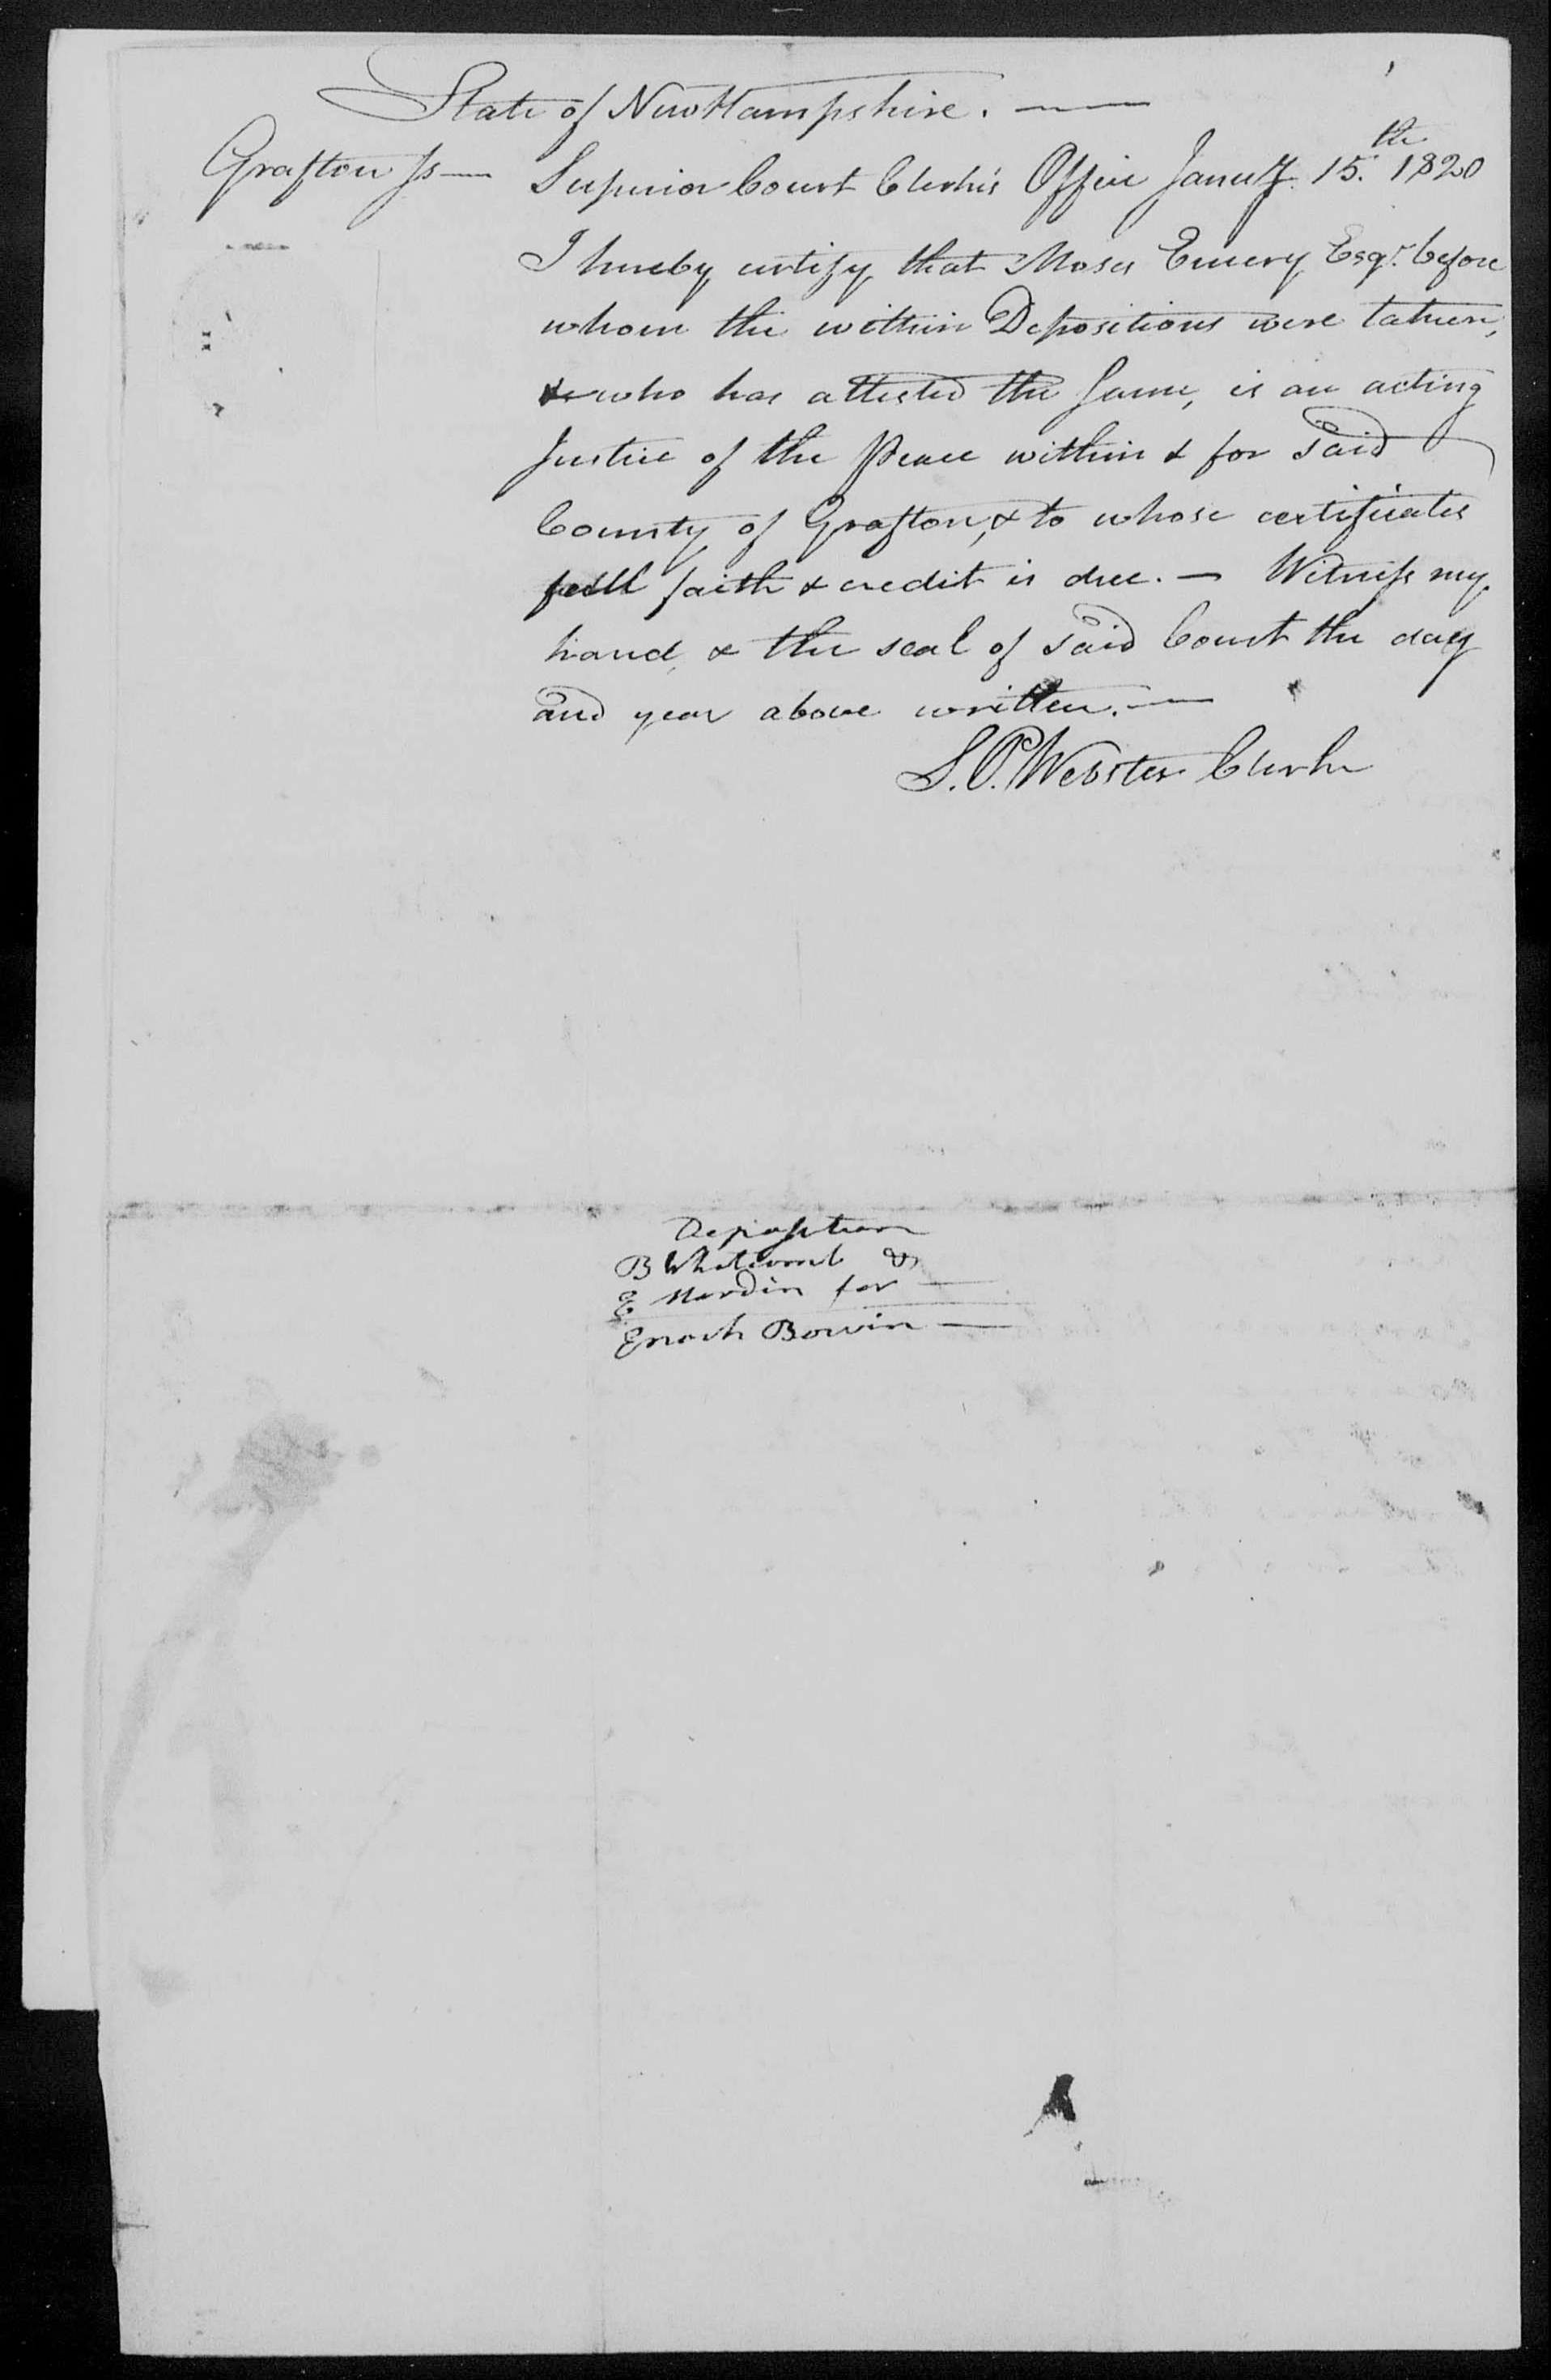State of New Hampshire
Grafton s
Superior Court Clerks Office June 15. 1820
I hereby certify that Moses Emery Esqr before
whom the within Depositions were taken
who has attested the same, is an acting
Justice of the Peace within & for said
County of Grafton & to whose certificates
full faith & credit is due.-- Witness my
hand & the seal of said Court the day
and year above written.
[signature] S. P. Webster Clerk
 
Deposition
B. Whitcomb
E Mardin for Enoch Bowin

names: S P Webster, B Whitcomb, E Mardin, Moses Emery, Enoch Bowin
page: 11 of 11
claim: survivor's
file: S. 41,453, Enoch Bowen, N.H.